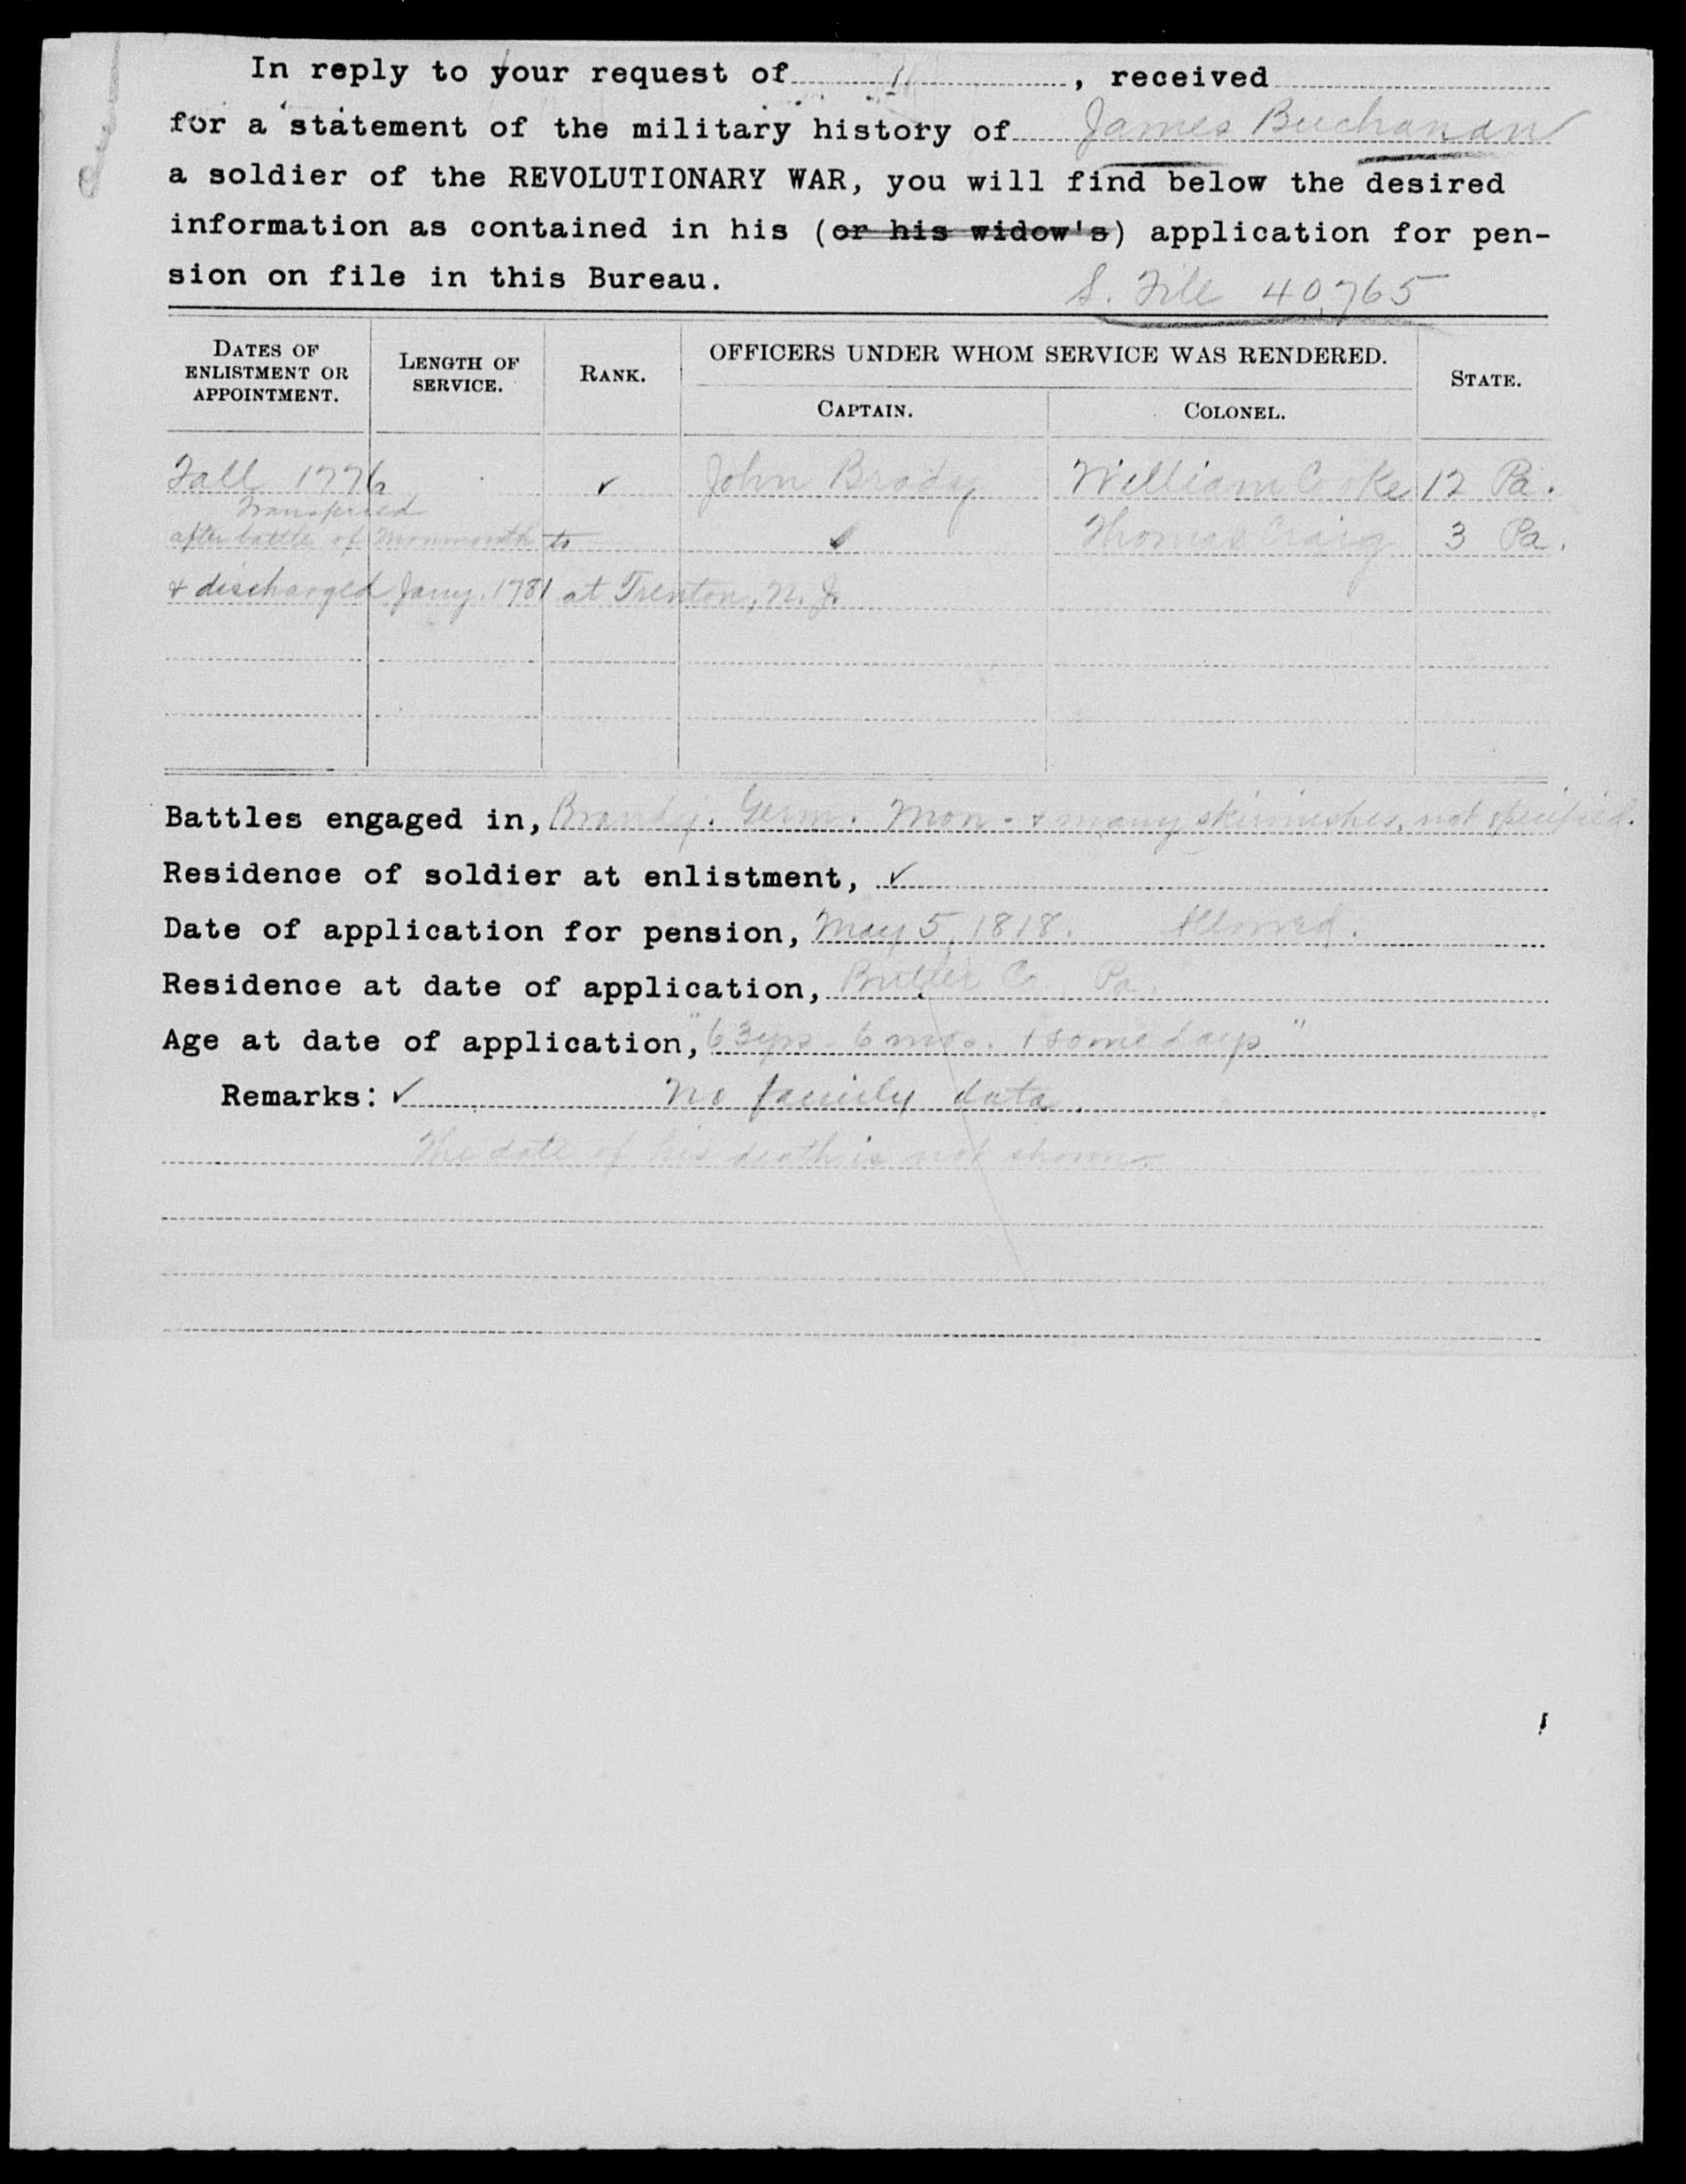In reply to your request of the
received
for a statement of the military history of James Buchanan
a soldier of the REVOLUTIONARY WAR, you will find below the desired
information as contained in his (or his widow's) application for pension
on file in this Bureau.
S. File 40765
DATES OF
ENLISTMENT OR
APPOINTMENT.
LENGTH OF
SERVICE.
RANK.
Fall 1776
Transferred
after battle of Monmouth to
& discharged July. 1781 at Trenton, NJ
OFFICERS UNDER WHOM SERVICE WAS RENDERED.
CAPTAIN.
John Brody
COLONEL.
STATE.
William Cooke 12 Pa.
Thomas Craig
3 Pa.
Battles engaged in, Brandy Germ, Mon. & many skirmishes notified
Residence of soldier at enlistment,
Date of application for pension, May 5, 1818. Fred
Residence at date of application, Butler Co. Pa.
Age at date of application, 63 years , 6 months and some days 
Remarks:
no family data.
the date of his death is not shown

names: Thomas Craig, William Cooke, John Brady, James Buchanan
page: 9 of 15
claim: survivor's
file: S. 40,765, James Buchanan, Pa.